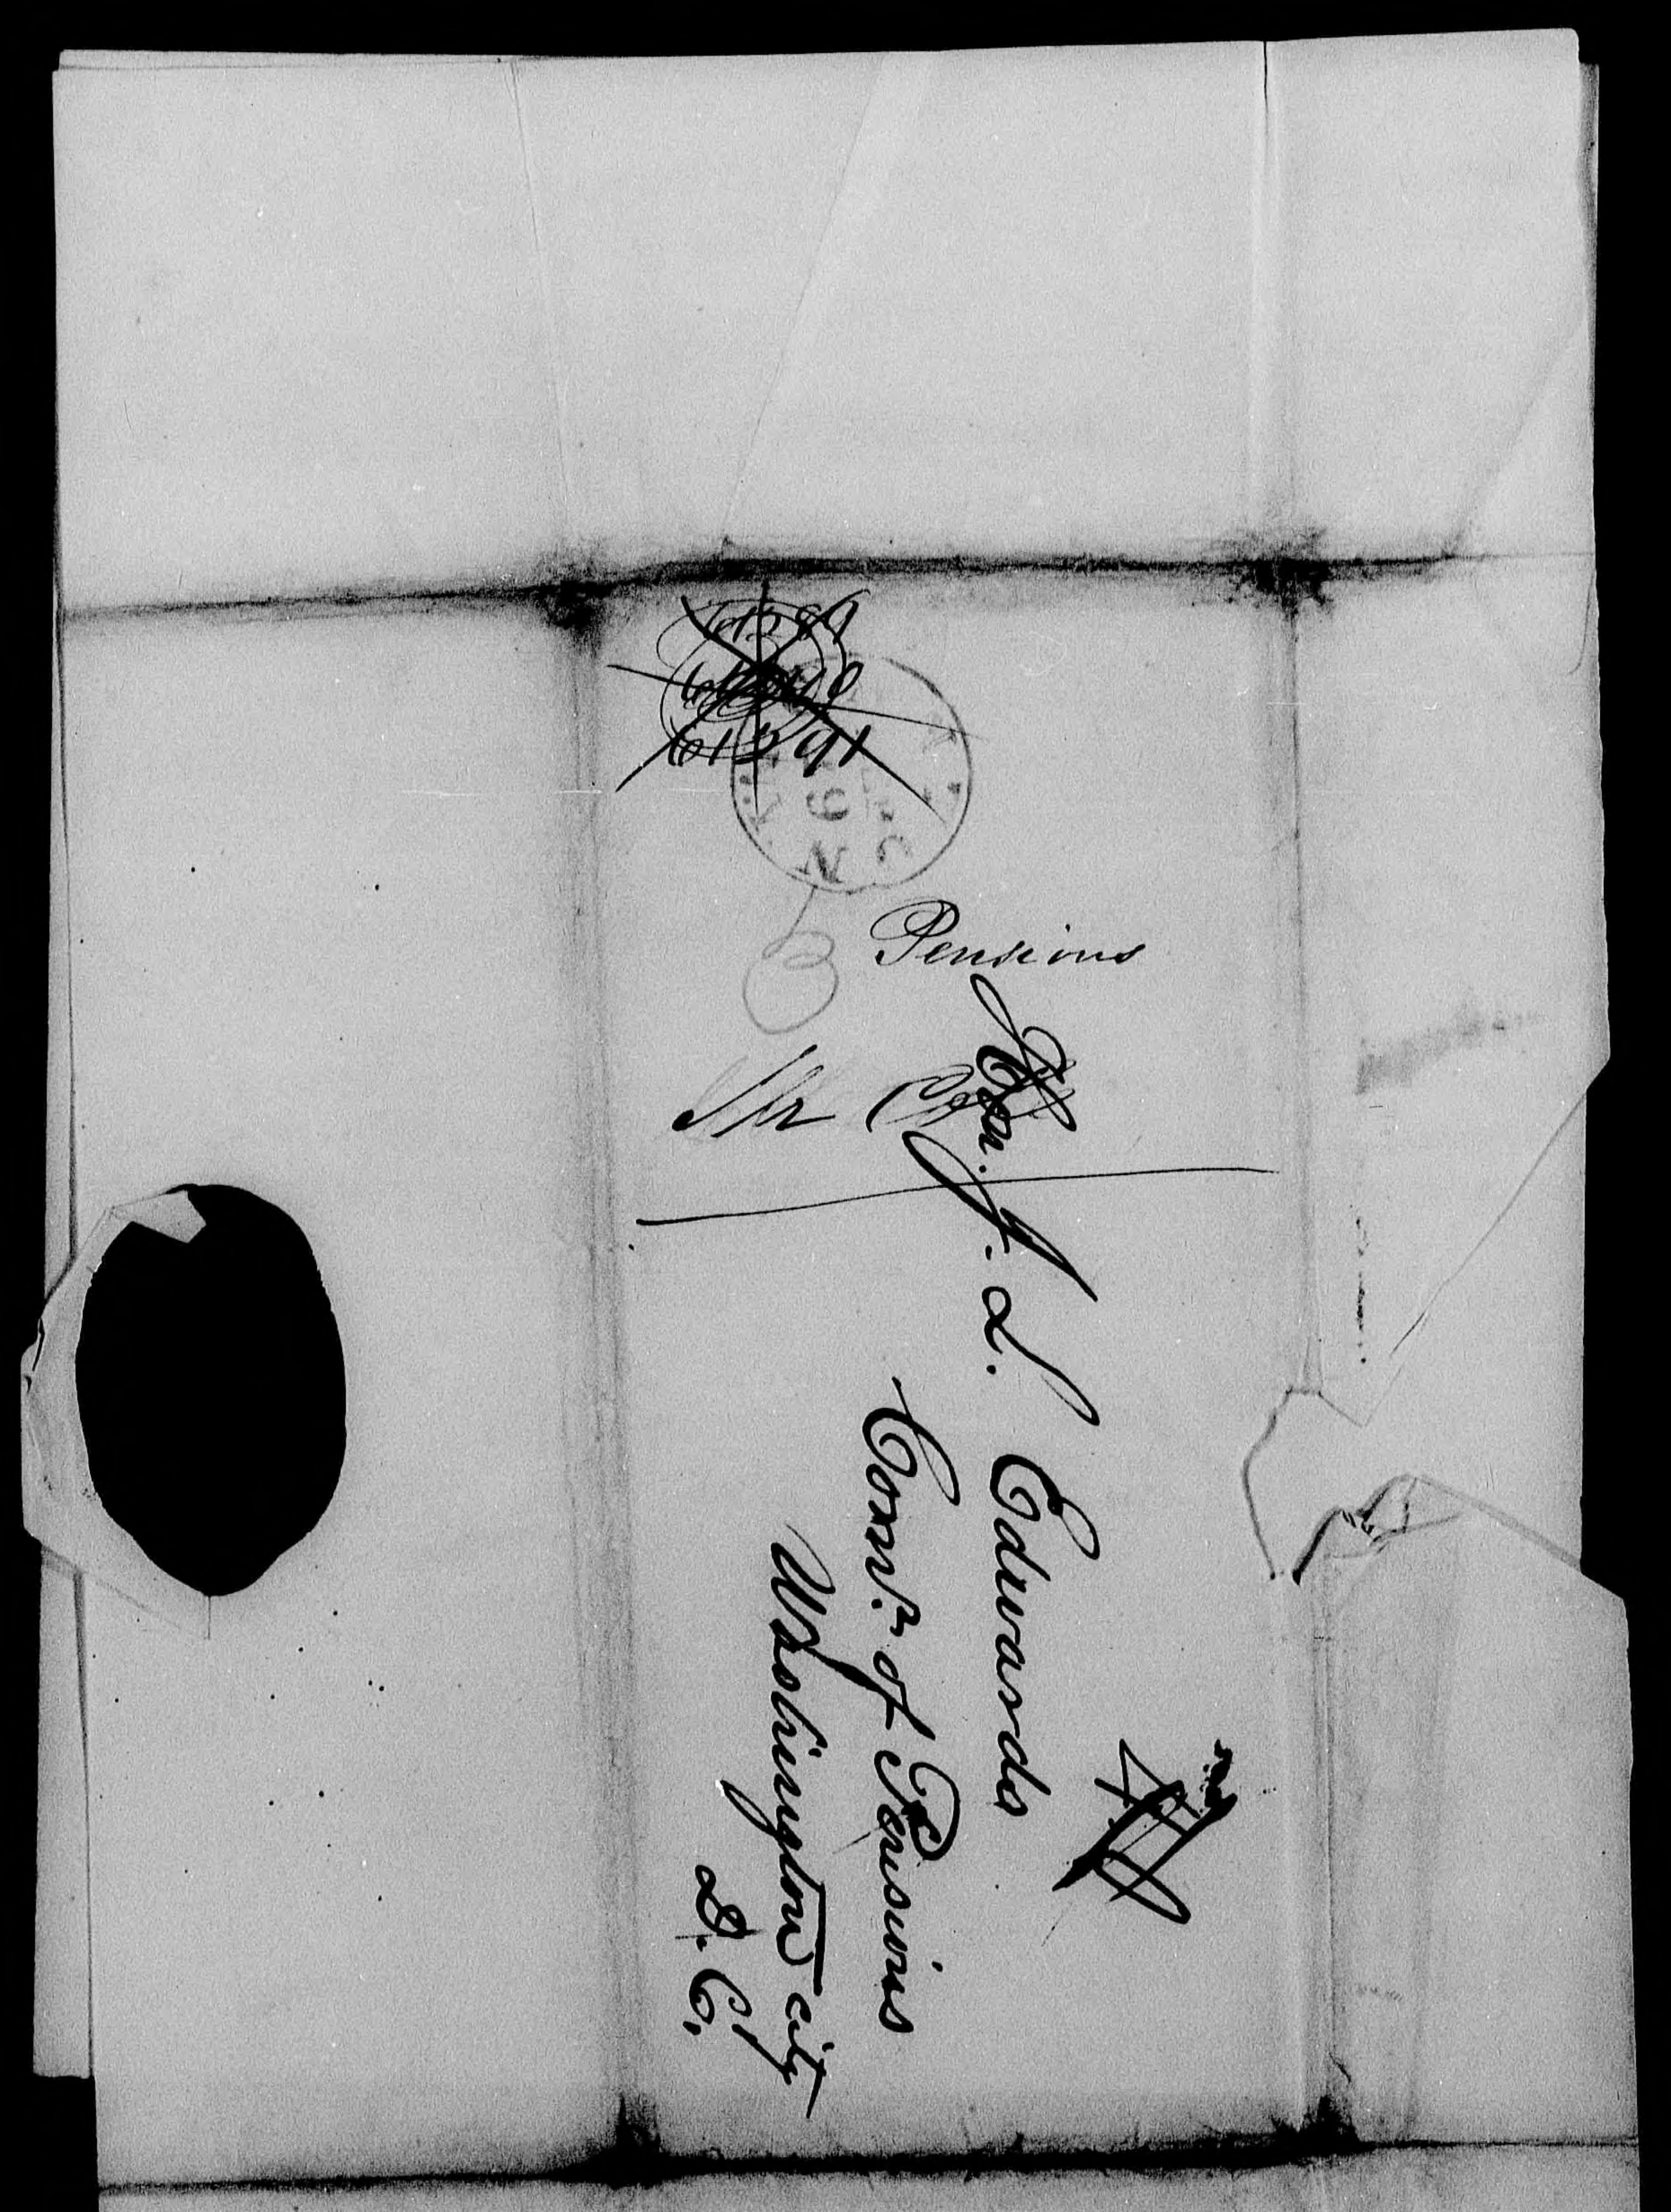Hon. J.L. Edwars
Com. of Pensioners
Washington City
D.C.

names: Cole, J L Edwards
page: 34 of 79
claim: widow's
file: W. 23754, Justus Byington, Conn.